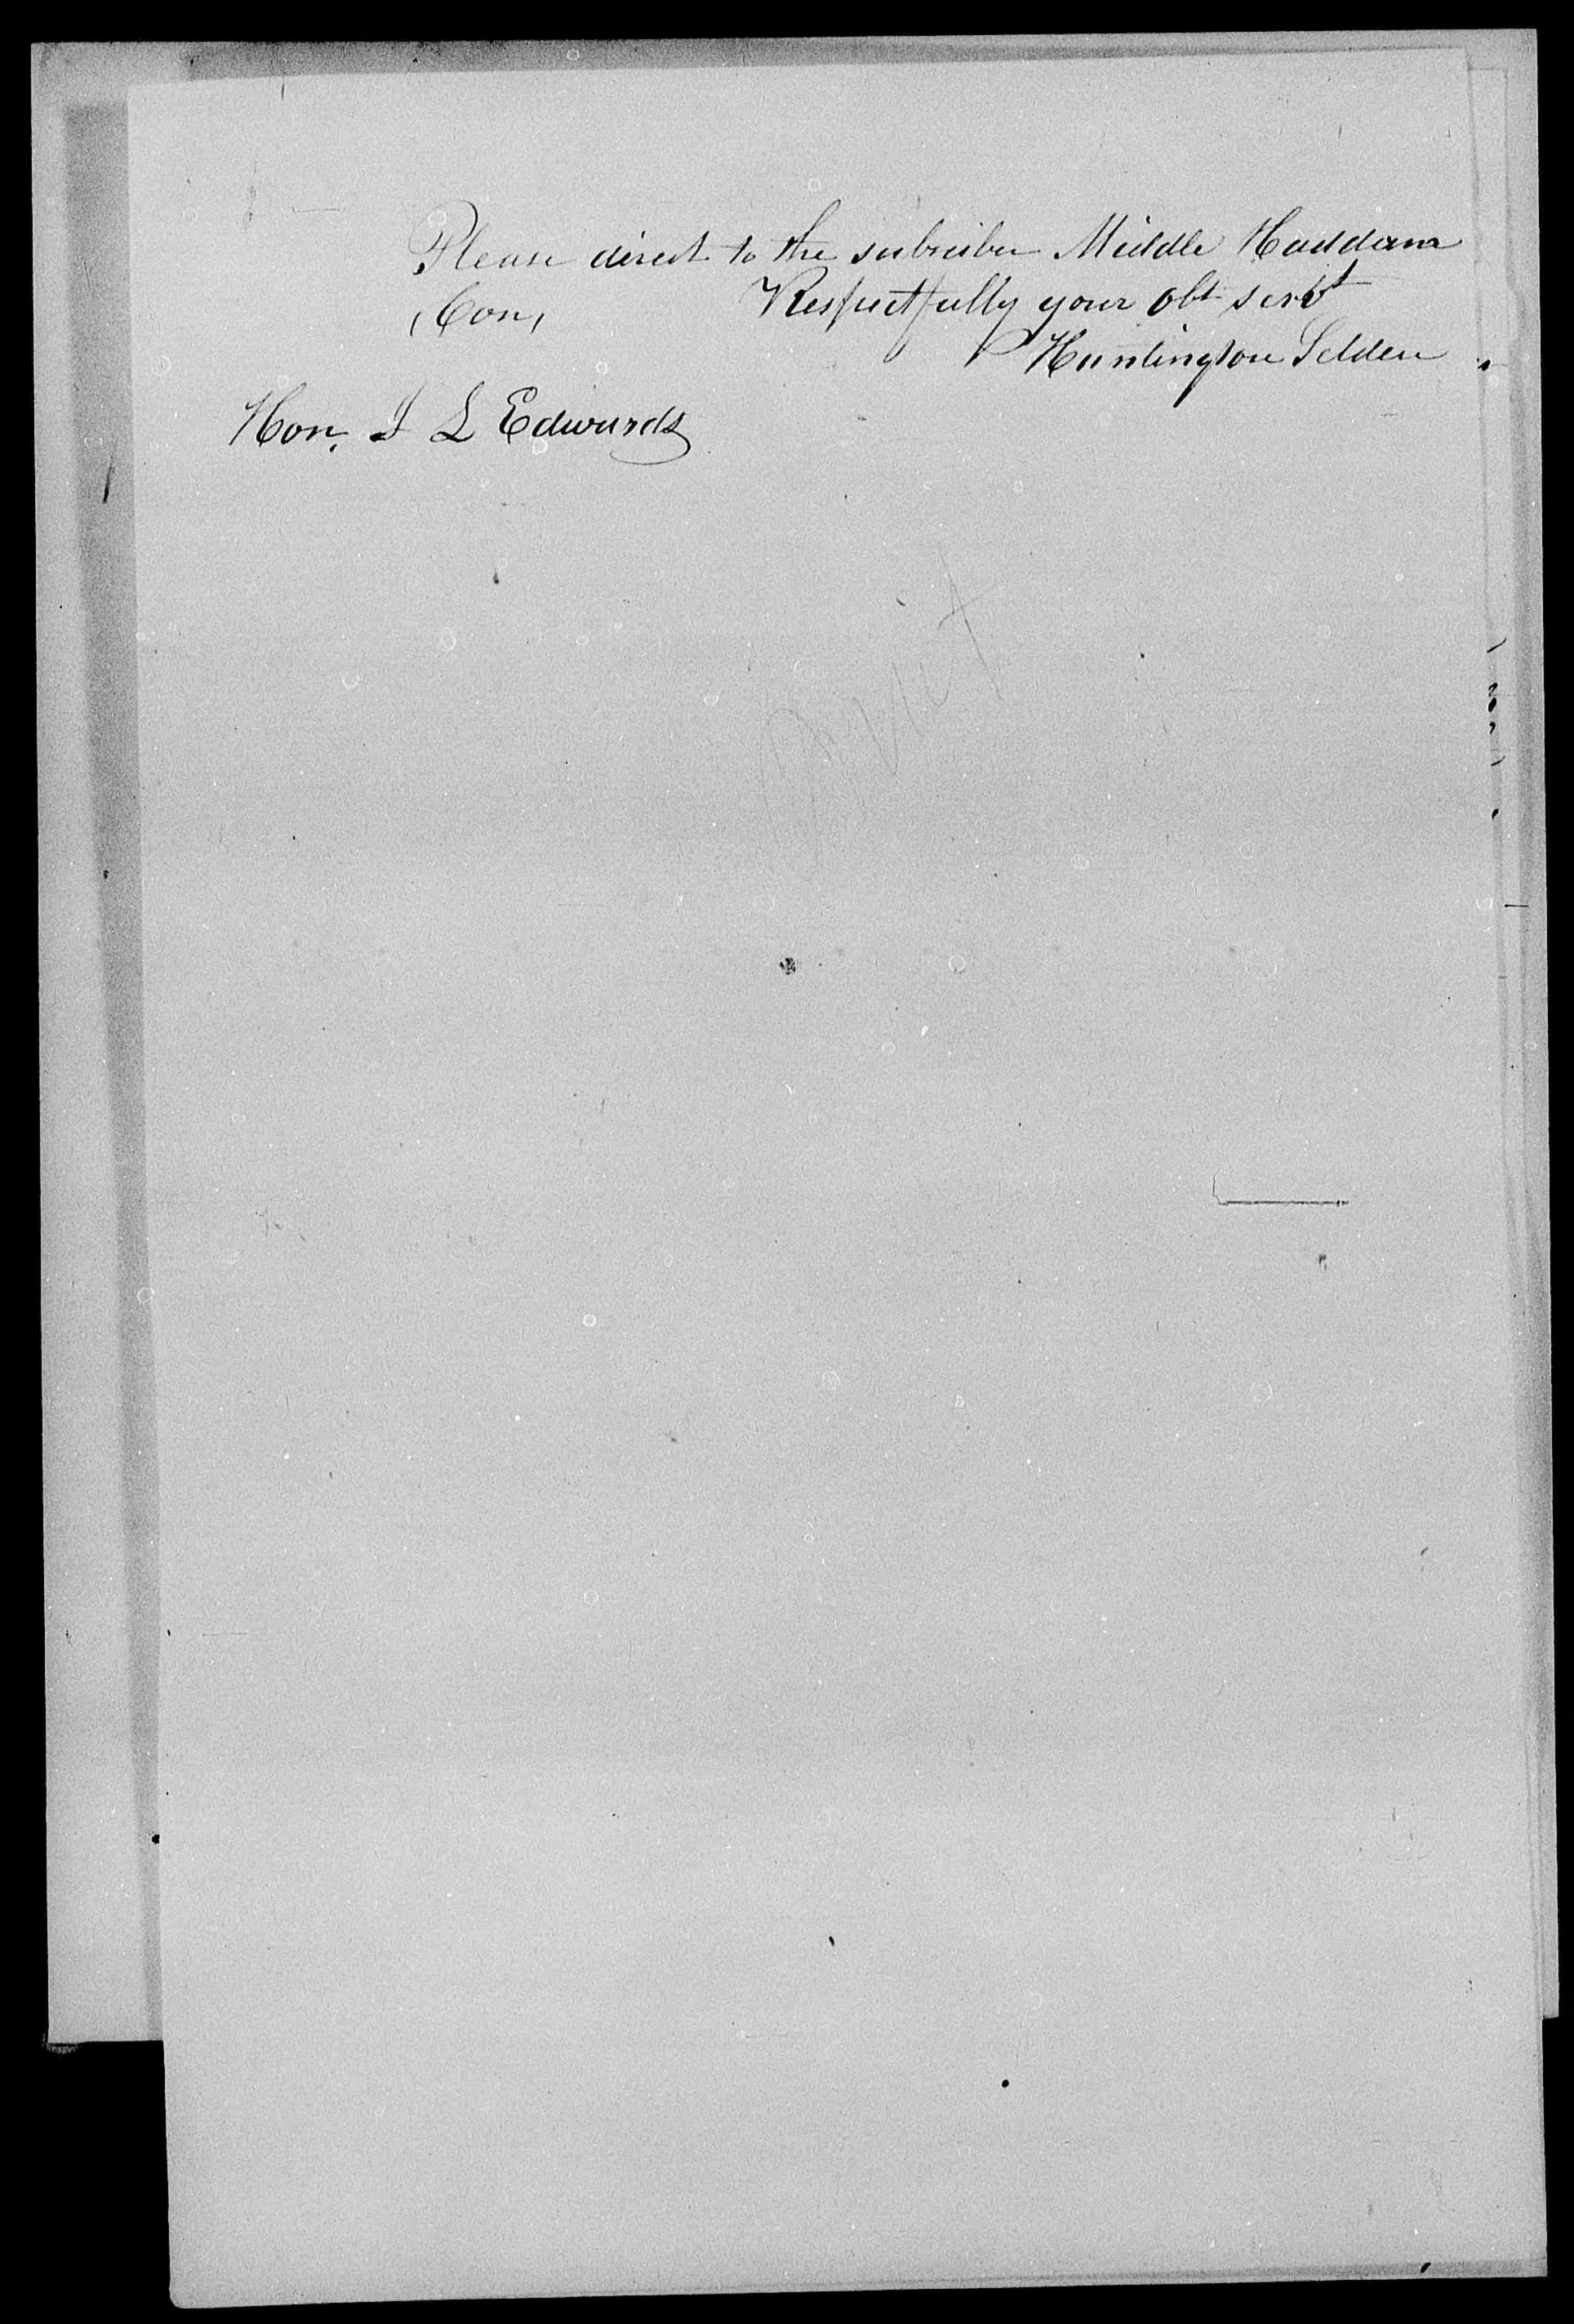Please direct to the subscriber Middle Haddam
(Con)

Respectfully your obt servt
Huntington Selden



Hon. J L Edwards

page: 47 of 47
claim: widow's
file: W. 17879, for Seth Strong, Connecticut